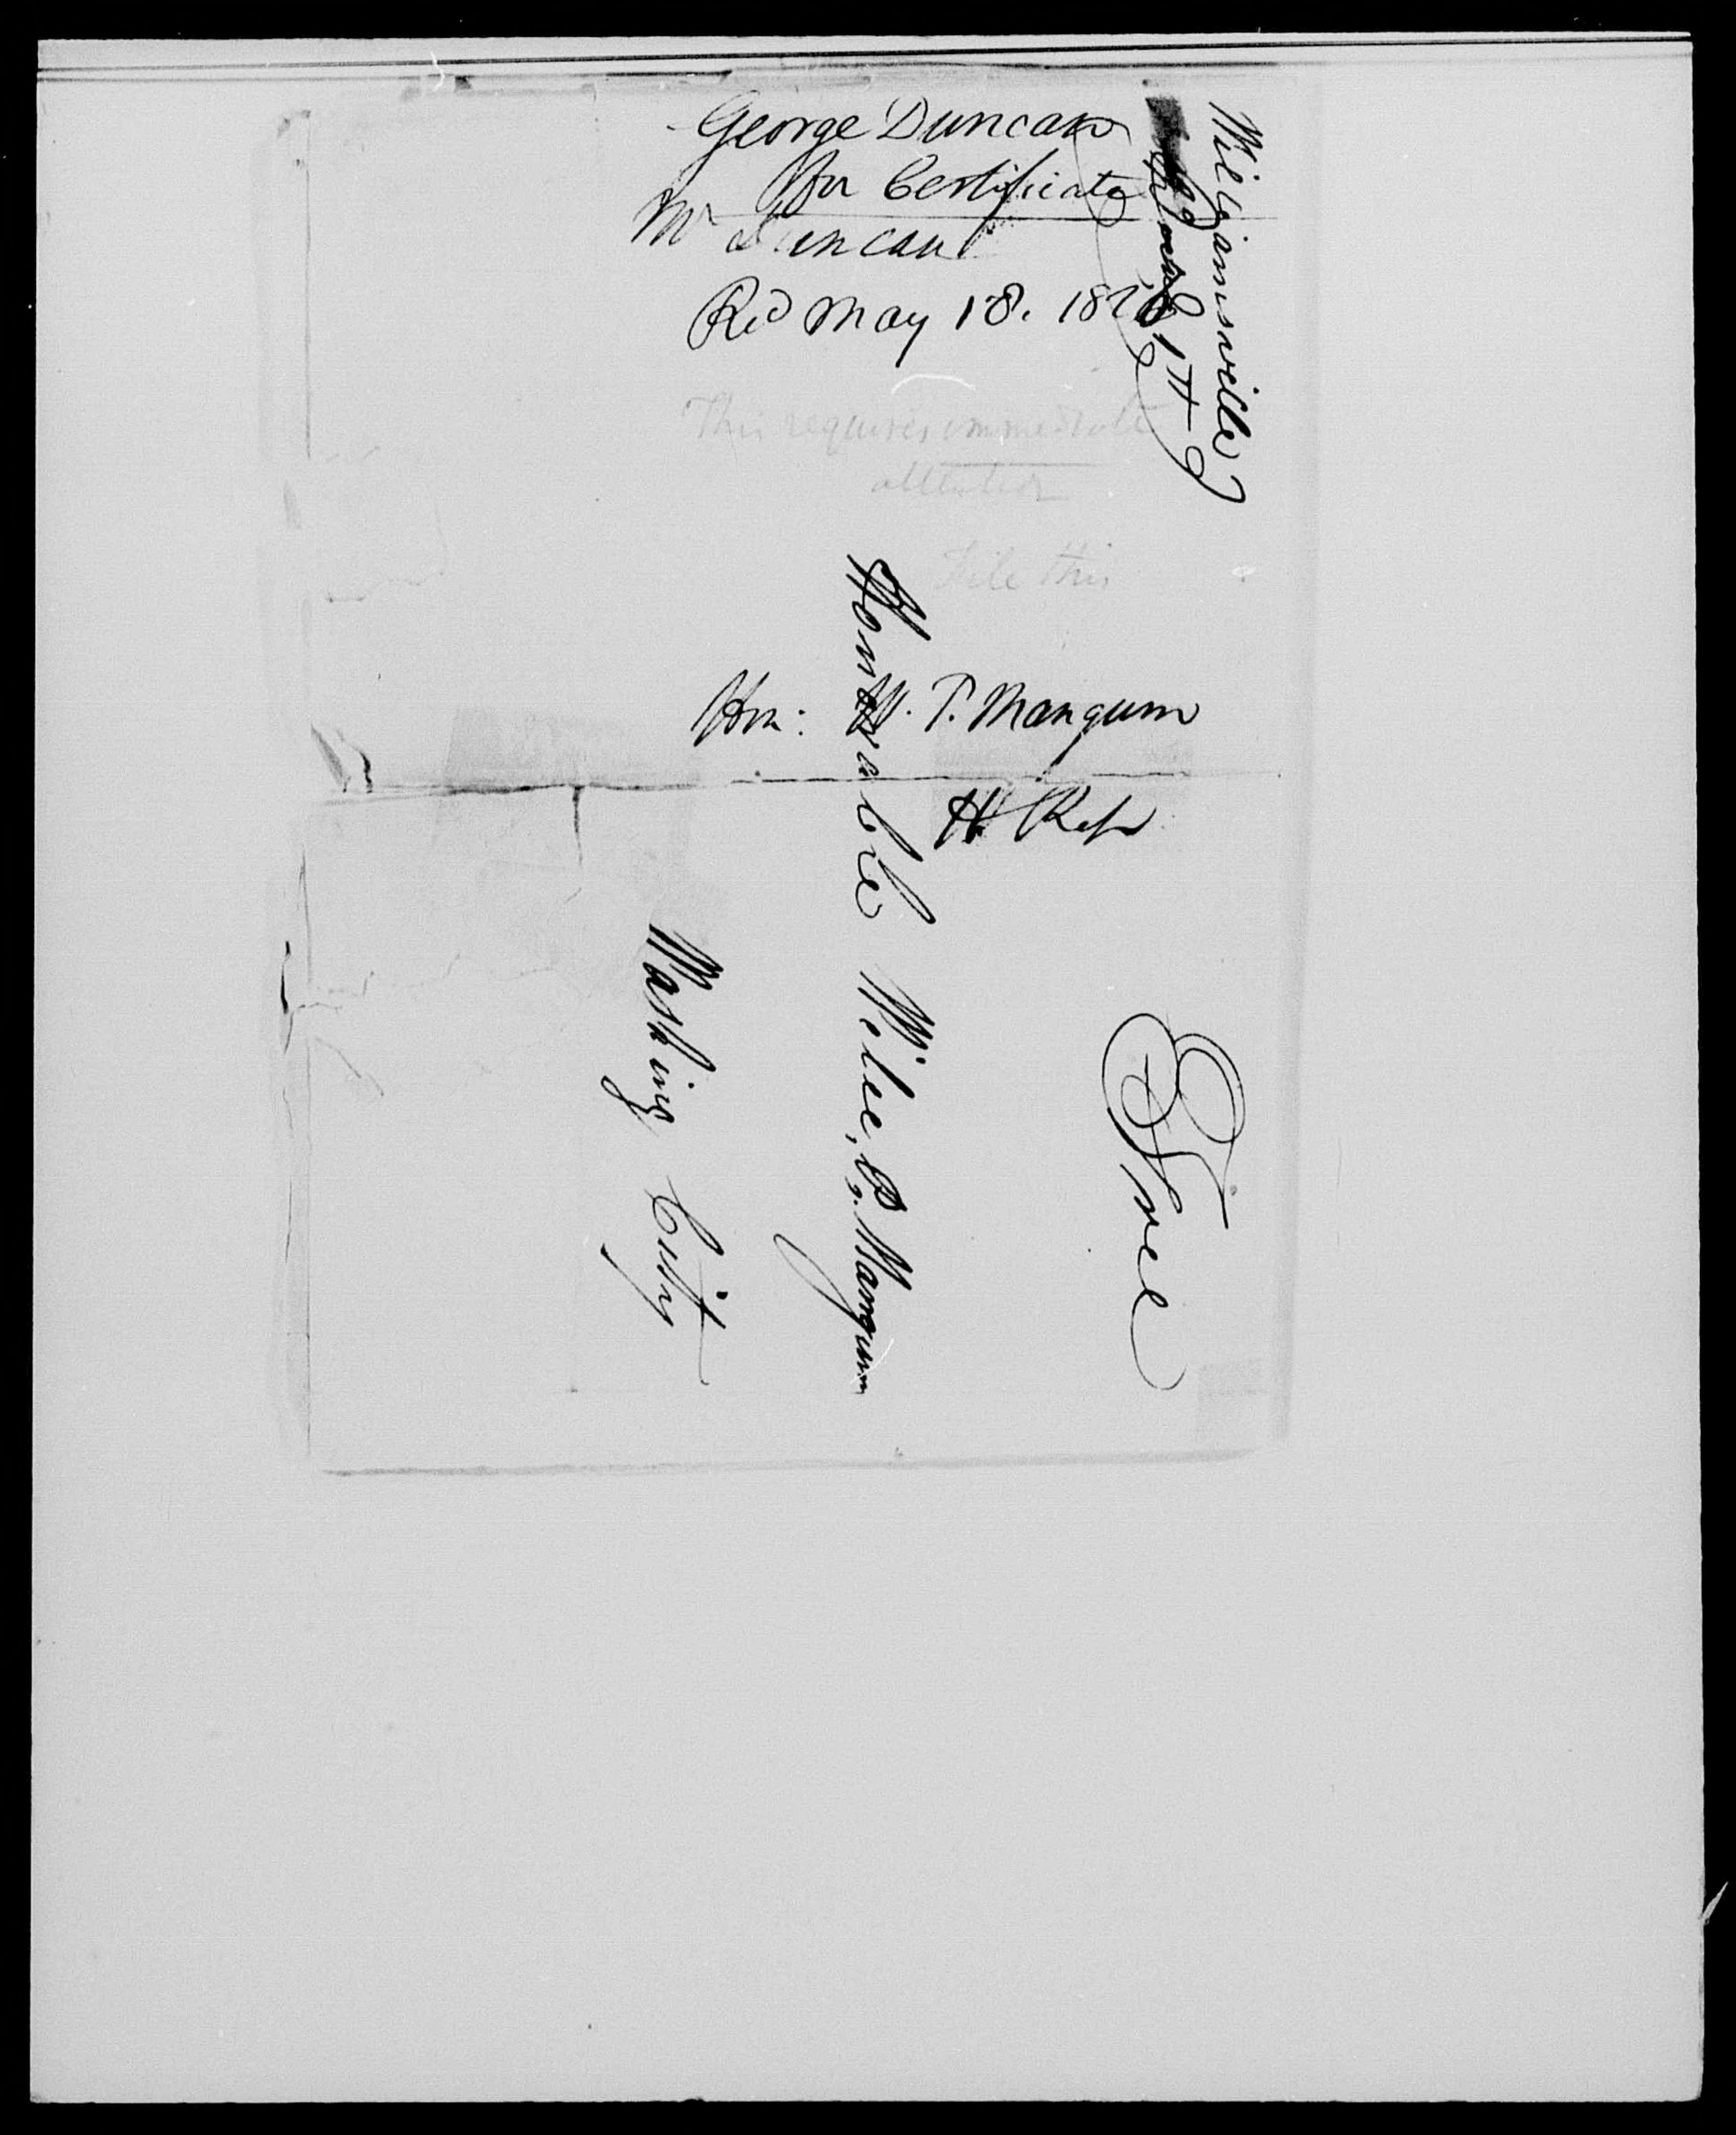Hon. W. P. Mangum
H. Rep

Free
Honorable Wilee, P. Magnum
Washing City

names: W P Mangum, Wilee P Mangum, George Duncan, Duncan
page: 23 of 49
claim: survivor's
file: S. 41513, George Duncan, N.C.